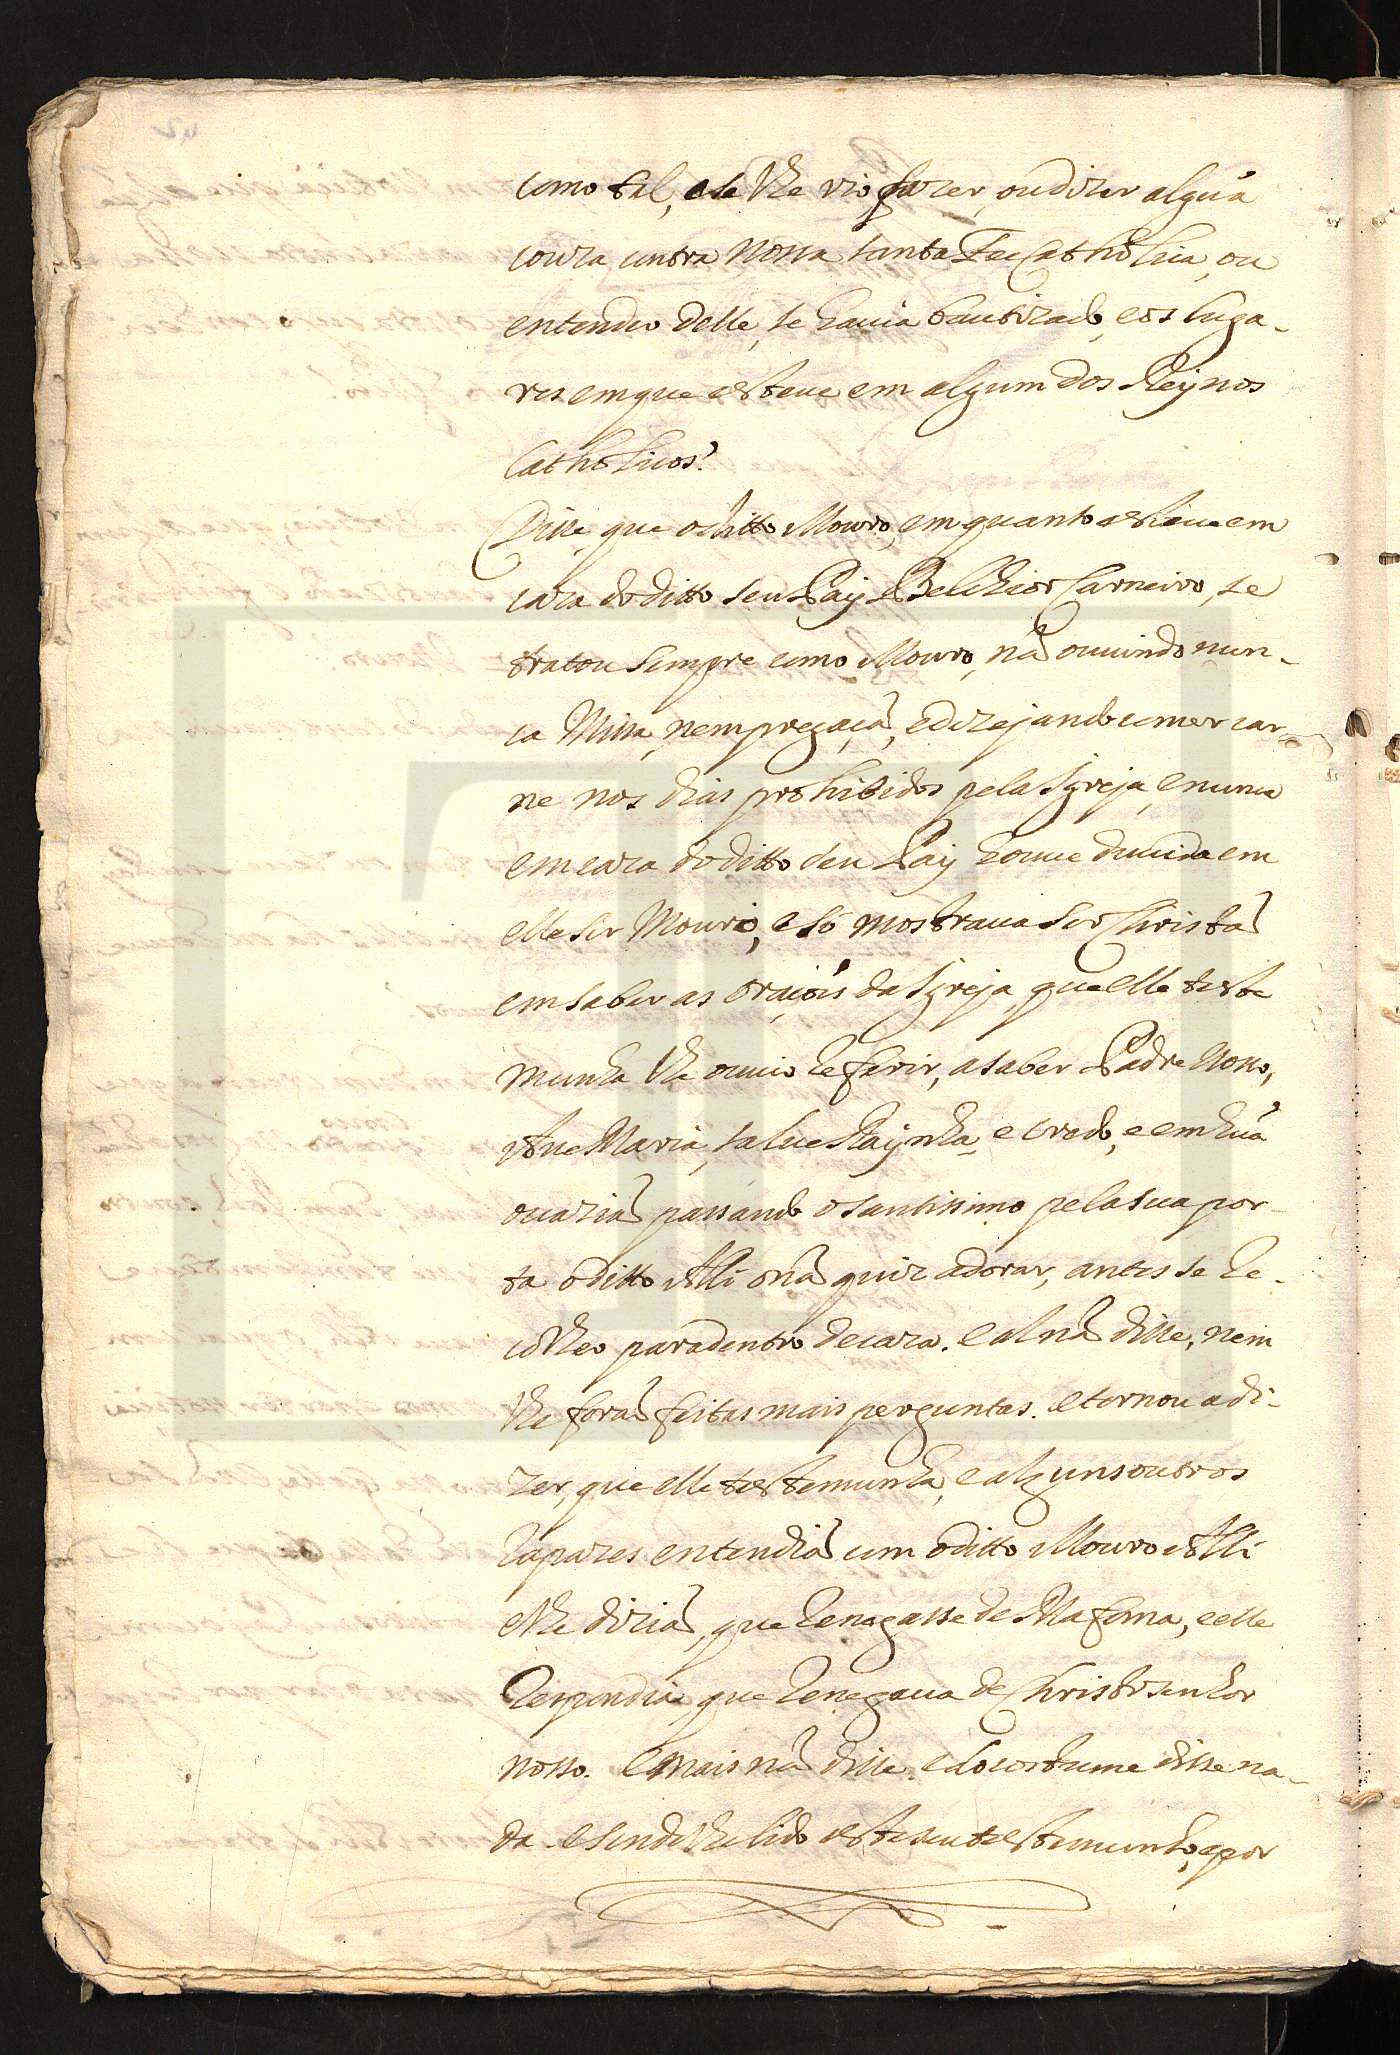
como tal, e se lhe vio, fazer, ou dizer alguā
couza contra Nossa santa Fee Catholica, ou
entendeo delle, se hauia bautizado, e os luga
res em que os teue em algum dos Reynos
Catholicos?
Disse, que o ditto Mouro, emquanto esteue em
caza do ditto seu Pay Belchior Carneiro, se
tratou sempre como Mouro, naõ ouuindo nun
ca Missa, nem pregaçaõ, e dezejando comer car
ne nos dias prohibidos pela Igreja, e nunca
em caza do ditto seu Pay houue duuida em
elle ser Mouro, e só mostraua ser Christaõ
em saber as oraçoẽs da Igreja, que elle teste
munha lhe ouuio Referir, a saber Padre nosso,
Aue Maria, salue Raynha, e credo, e em huā
occaziaõ passando o santissimo pela sua por
ta o ditto Alli o naõ quiz adorar, antes se Re
colheo para dentro de caza. E al naõ disse, nem
lhe foraõ feitas mais perguntas. E tornou a di
zer, que elle testemunha, e alguns outros
Rapazes entendiaõ com o ditto Mouro Alli
e lhe diziaõ, que Renegasse de Mafoma, e elle
Respondia, que Renegaua de Christo senhor
nosso. E mais naõ disse. e do costume disse na
da. e sendolhe lido este seu testemunho, e por
